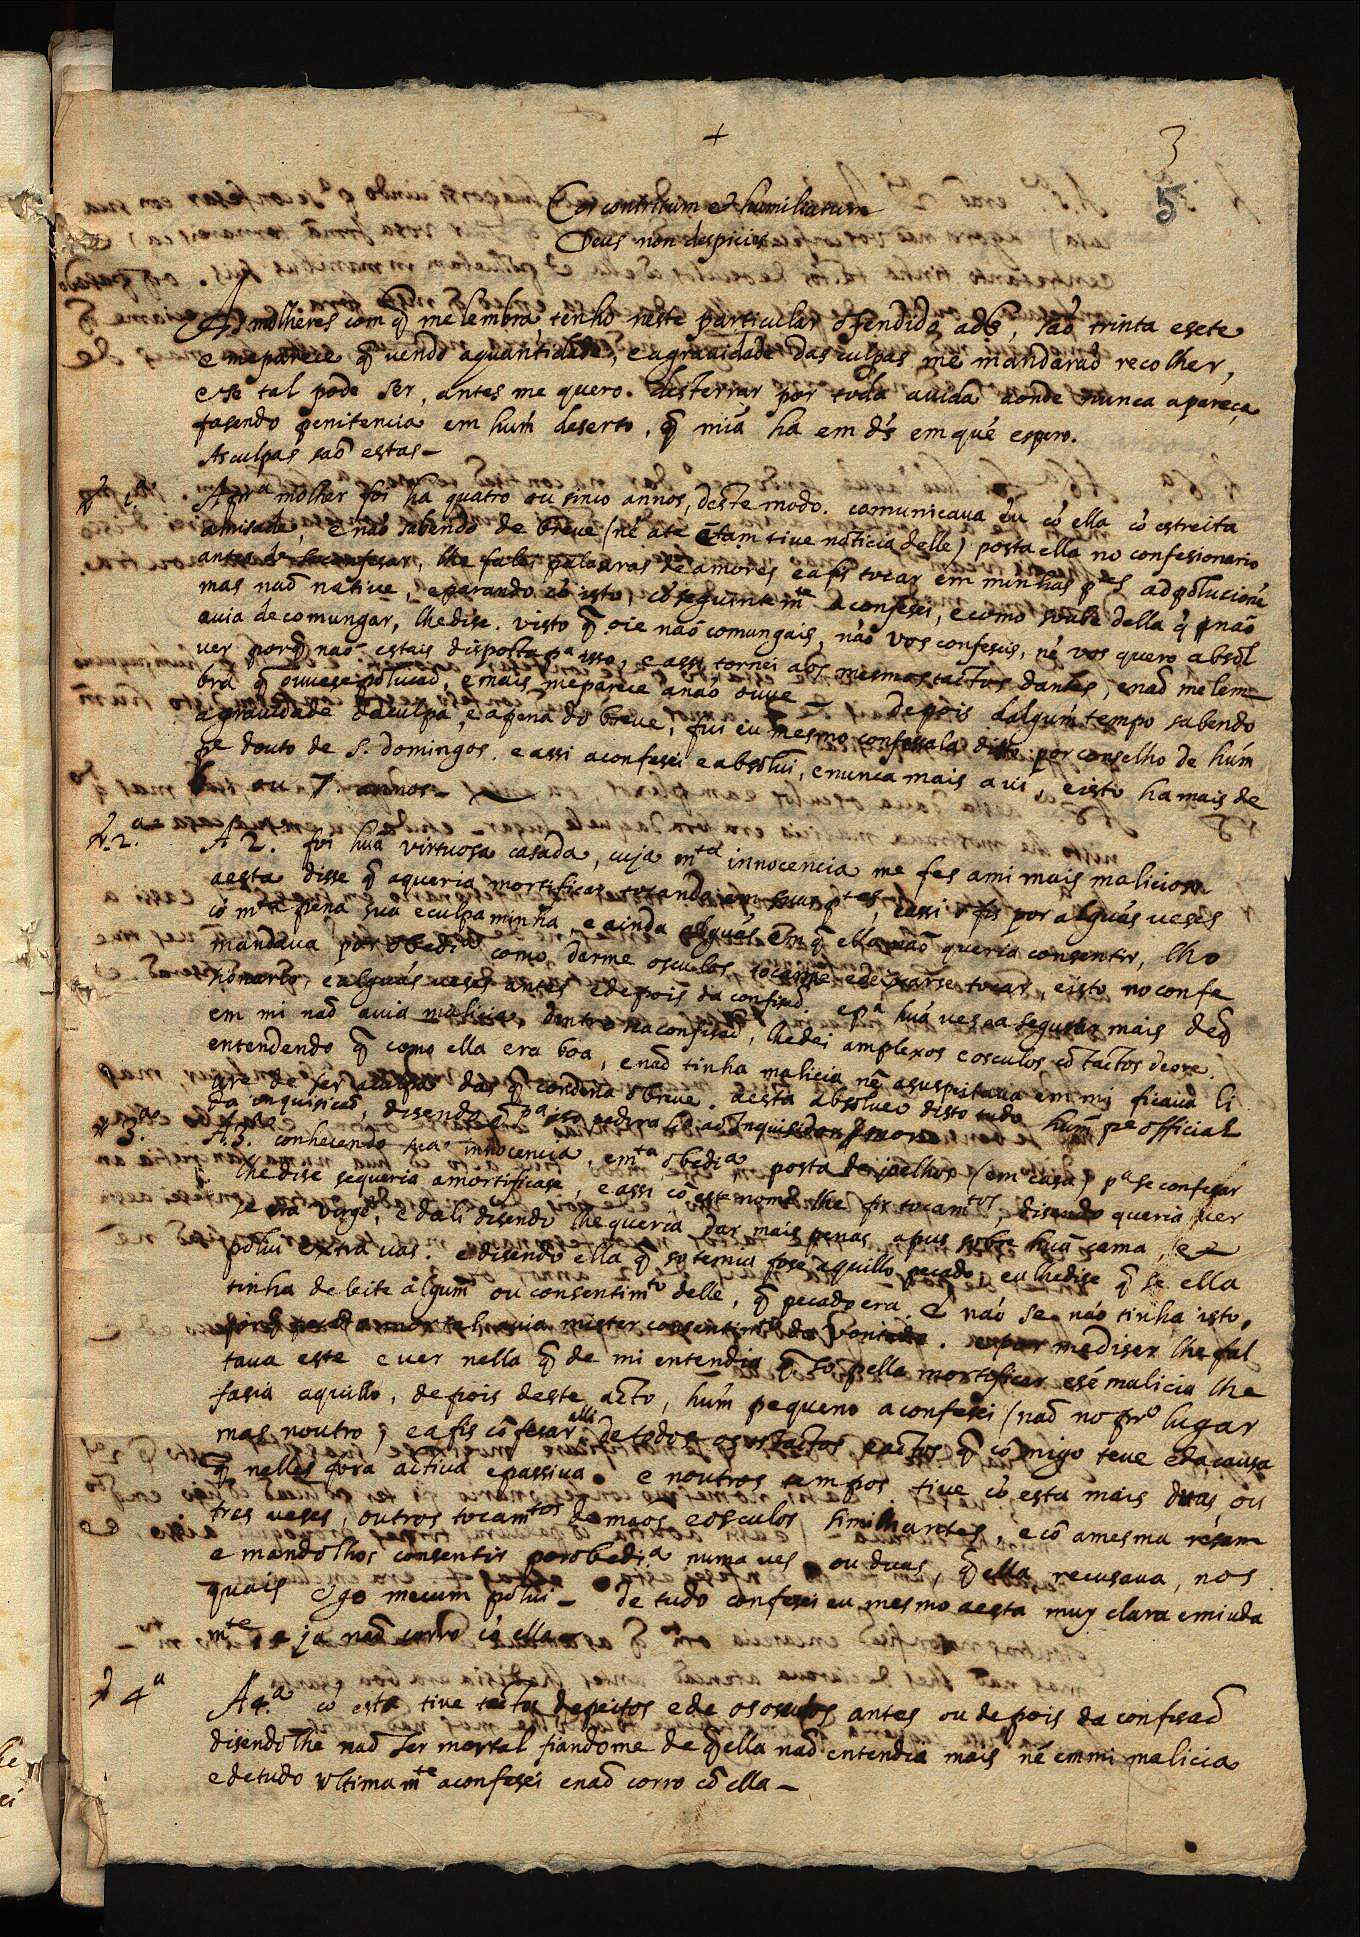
E os contritum & humiliarum
Deus non despicies
As molheres com q̄ me lembra, tenho neste particular ofendido a ds̄, saõ trinta e sete
e me parece q̄ uendo a quantidade, e a grauidade das culpas me mandarão recolher,
e se tal pode ser, antes me quero desterrar por toda a uida aonde nunca apareça
fasendo penitencia em hum̄ deserto, q̄ miā ha em ds̄ em quē espero.
As culpas saõ estas -
item 1.a
A pra molher foi ha quatro ou sinco annos, deste modo. comunicaua eu cō ella cō estreita
amisade, e não sabendo de breue (nē ate ētam tive noticia delle) posta ella no confesionario
antes de se confesar, lhe falei palauras de amores e a fis tocar em minhas ptes ad polucionē
mas naõ na tiue, e parando cō isto, cōseguintemte a confesei, e como soube della q̄ a naõ
auia de comungar, lhe dise visto q̄ oie naõ comungais, não vos confeseis, nē vos quer absol
uer porq̄ naõ estais disposta pa isso, e assi tornei aos mesmos tactos dantes, e naõ me lem
bra q̄ ouuese poluçaõ, e mais me parece a naõ ouue - depois dalgum tempo sabendo
a grauidade da culpa, e a pena do breue, fui eu mesmo confessala ditto por conselho de hum̄
pe douto de S. domingos e assi a confesei e absolui, e nunca mais a ui, e isto ha mais de
6 ou 7 annos
item 2.a
A 2.a foi huā virtuosa casada, cuja mta innocencia me fes a mi mais malicioso
a esta disse q̄ a queria mortificar tocando em suas ptes, e assi o fis por alguās ueses
cō mta pena sua e culpa minha, e ainda alguās em q̄ ella naõ queria consentir, lho
mandaua por obedia como darme osculos tocarme e deixarse tocar, e isto no confe
sionario, e alguās ueses antes e depois da confisaõ. e pa huā ues a asegurar mais de q̄
em mi naõ auia malicia, dentro na confisaõ, lhe dei amplexos e osculos cō tactos de ore.
entendendo q̄ como ella era boa, e naõ tinha malicia, nē a suspeitaua em mi ficaua li
ure de ser a culpa das q̄ condena o breue. a esta absolueo disto tudo hum pe official
da inquisiçaõ, dizendo q̄ pa iso pedira lic ao Inquisidor _ mor
item 3.a A 3.a conhecendo sua innocencia, e mta obedia, posta de joelhos (em casa) pa se confesar
lhe dise se queria a mortificase, e assi cō este nome lhe fis tocamtos, disendo queria uer
se era virgē, e dali disendo lhe queria dar mais penas a pus sobre huā cama, &
polui extra uas. e disendo ella q̄ so temia fose aquillo pecado eu lhe dise q̄ se ella
tinha deleite algum ou consentimto delle, q̄ pecado era. e naõ se naõ tinha isto,
porq̄ _ _ tal auia mister consentimto da vontade. e por me diser lhe fal
taua este e uer nella q̄ de mi entendia q̄ so pella mortificar e sē malicia lhe
fasia aquillo, depois deste acto, hum pequeno a confesei (naõ no pro lugar
mas noutro) e a fis cōfesar alli de todos os os tactos e actos q̄ comigo teue e da causa
q̄ nelles fora actiua e passiua e noutros tempos tiue cō esta mais duas ou
tres ueses, outros tocamtos de maõs e osculos similhantes, e cō a mesma resam
e mando lhos consentir por obedi.a numa ues ou duas, q̄ ella recusaua, nos
quais ego mecum polui - de tudo confesei eu mesmo a esta muy clara e miuda
m.te e ja naõ corro cō ella
item 4a
A 4a cō esta tiue tactos de peitos e de os osculos antes ou depois da confisaõ
disendolhe naõ ser mortal fiandome de q̄ ella não entendia mais nē em mi malicia
e de tudo vltimamte a confesei e naõ corro cō ella -
